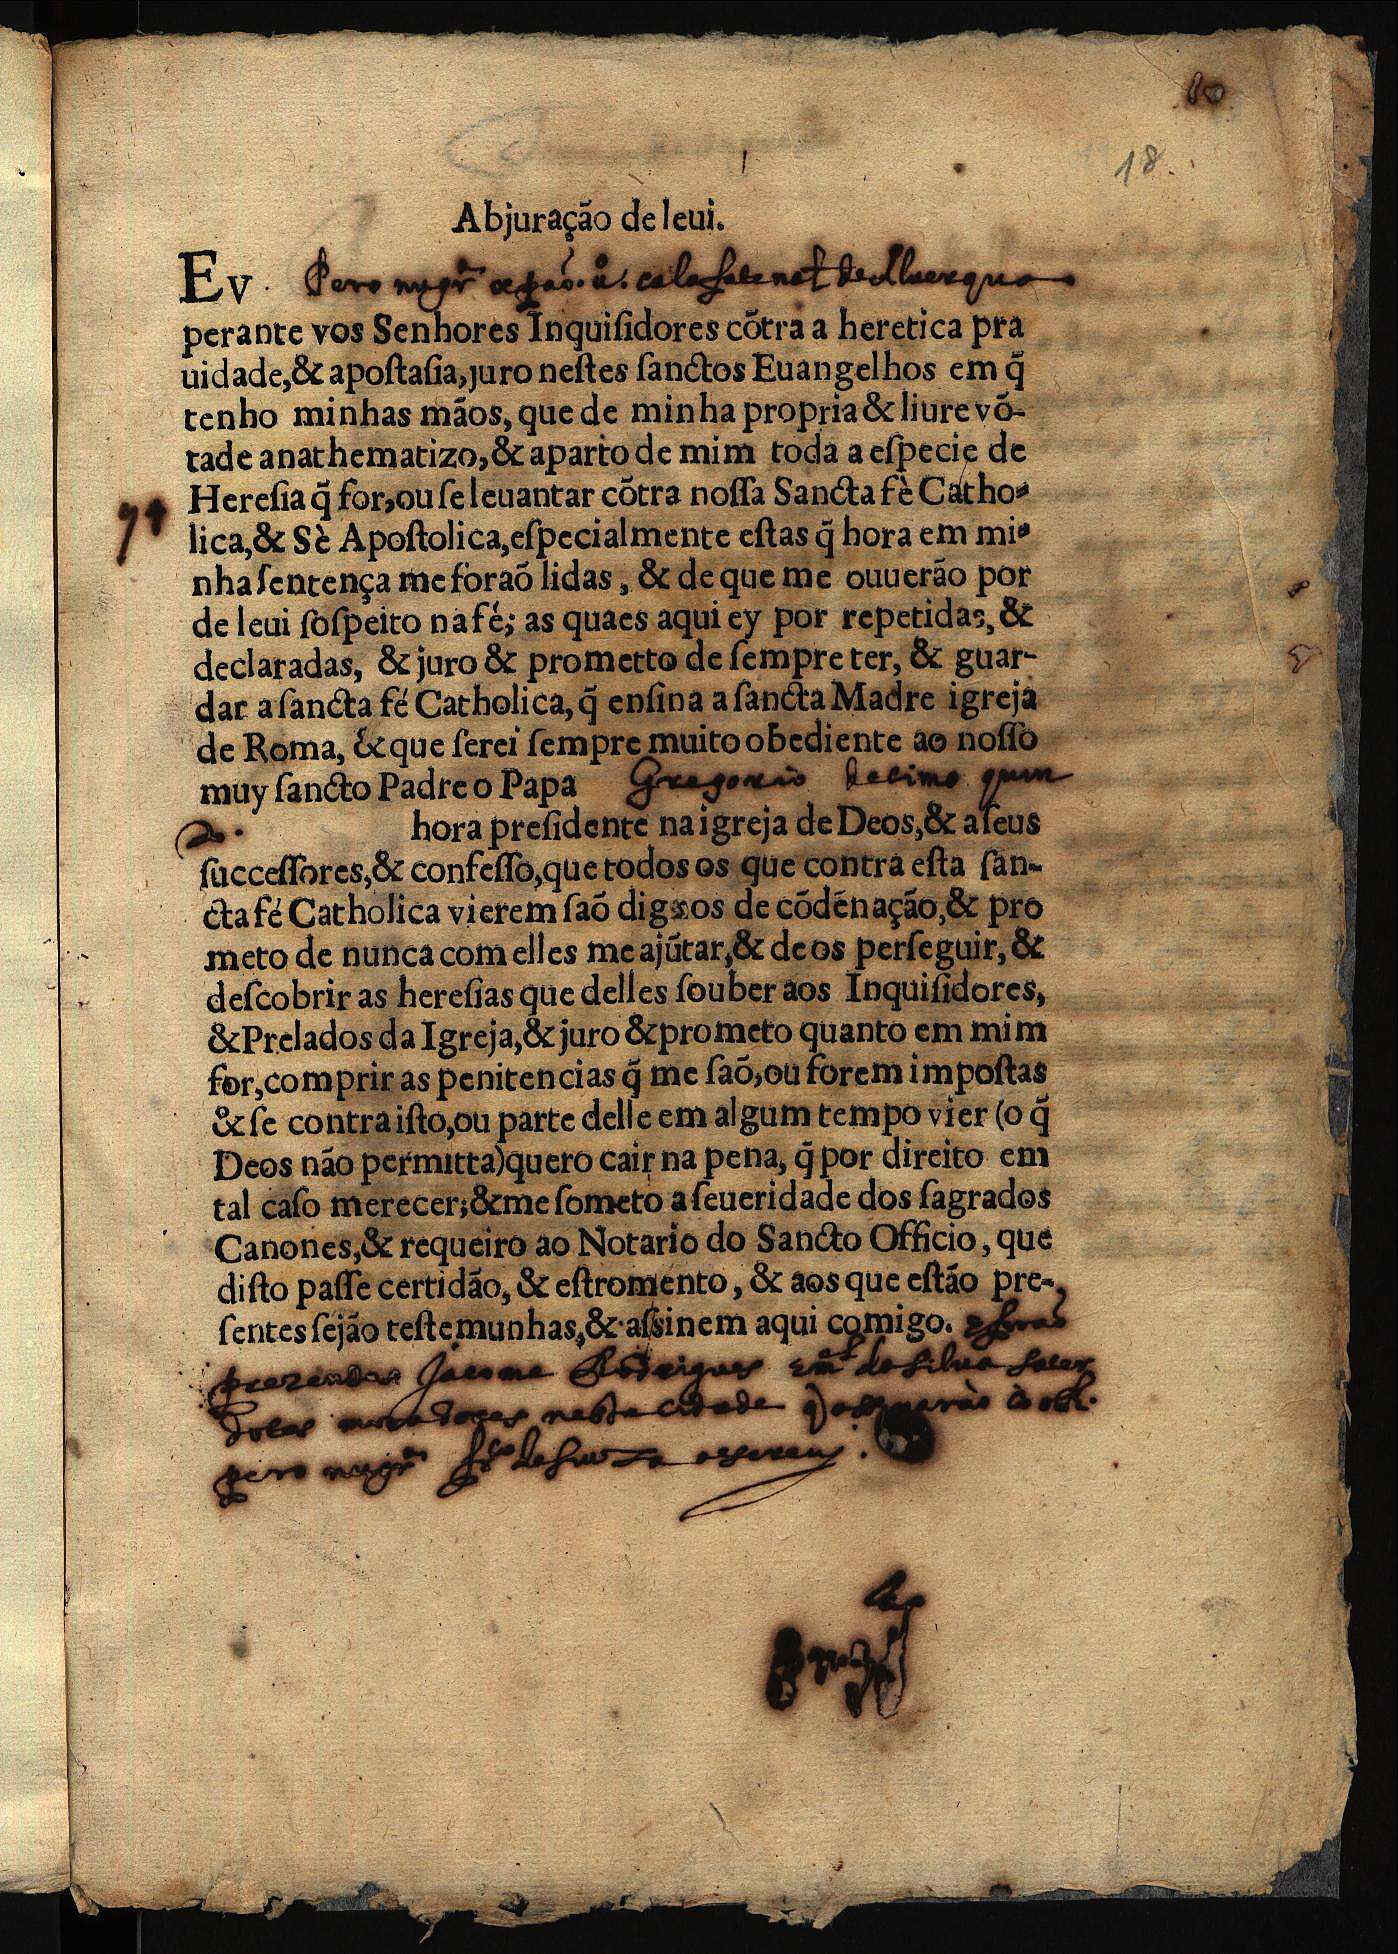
Abjuração de leui.
EV. Pero nugra xpaõ uo calafate nat de Aluerqua
perante vos Senhores Inquisidores cōtra a heretica pra
uidade, & apostasia, juro nestes sanctos Euangelhos em q̄
tenho minhas mãos, que de minha propria & liure vō
tade anathematizo, & aparto de mim toda a especie de
Heresia q̄ for, ou se leuantar cōtra nossa Sancta fè Catho
lica, & Sè Apostolica, especialmente estas q̄ hora em mi
nha sentença me foraõ lidas, & de que me ouuerão por
de leui sospeito na fé; as quaes aqui ey por repetidas, &
declaradas, & juro & prometto de sempre ter, & guar
dar a sancta fé Catholica, q̄ ensina a sancta Madre igreja
de Roma, & que serei sempre muito obediente ao nosso
muy sancto Padre o Papa Gregorio decimo quin
to.
hora presidente na igreja de Deos, & a seus
successores, & confesso, que todos os que contra esta san
cta fé Catholica vierem saõ dignos de cōdēnação, & pro
meto de nunca com elles me ajūtar, & de os perseguir, &
descobrir as heresias que delles souber aos Inquisidores,
& Prelados da Igreja, & juro, & prometo quanto em mim
for, comprir as penitencias q̄ me saõ, ou forem impostas
& se contra isto, ou parte delle em algum tempo vier (o q̄
Deos não permitta) quero cair na pena, q̄ por direito em
tal caso merecer; & me someto a seueridade dos sagrados
Canones, & requeiro ao Notario do Sancto Officio, que
disto passe certidão, & estromento, & aos que estão pre
sentes sejão testemunhas, & assinem aqui comigo. E foraõ
prezentes Jacome Rodrigues E mel da silua sacer
dotes moradores nesta cidade q̄ assinarão c̄o R.
pero nugra frco de suoza o escreuj.
